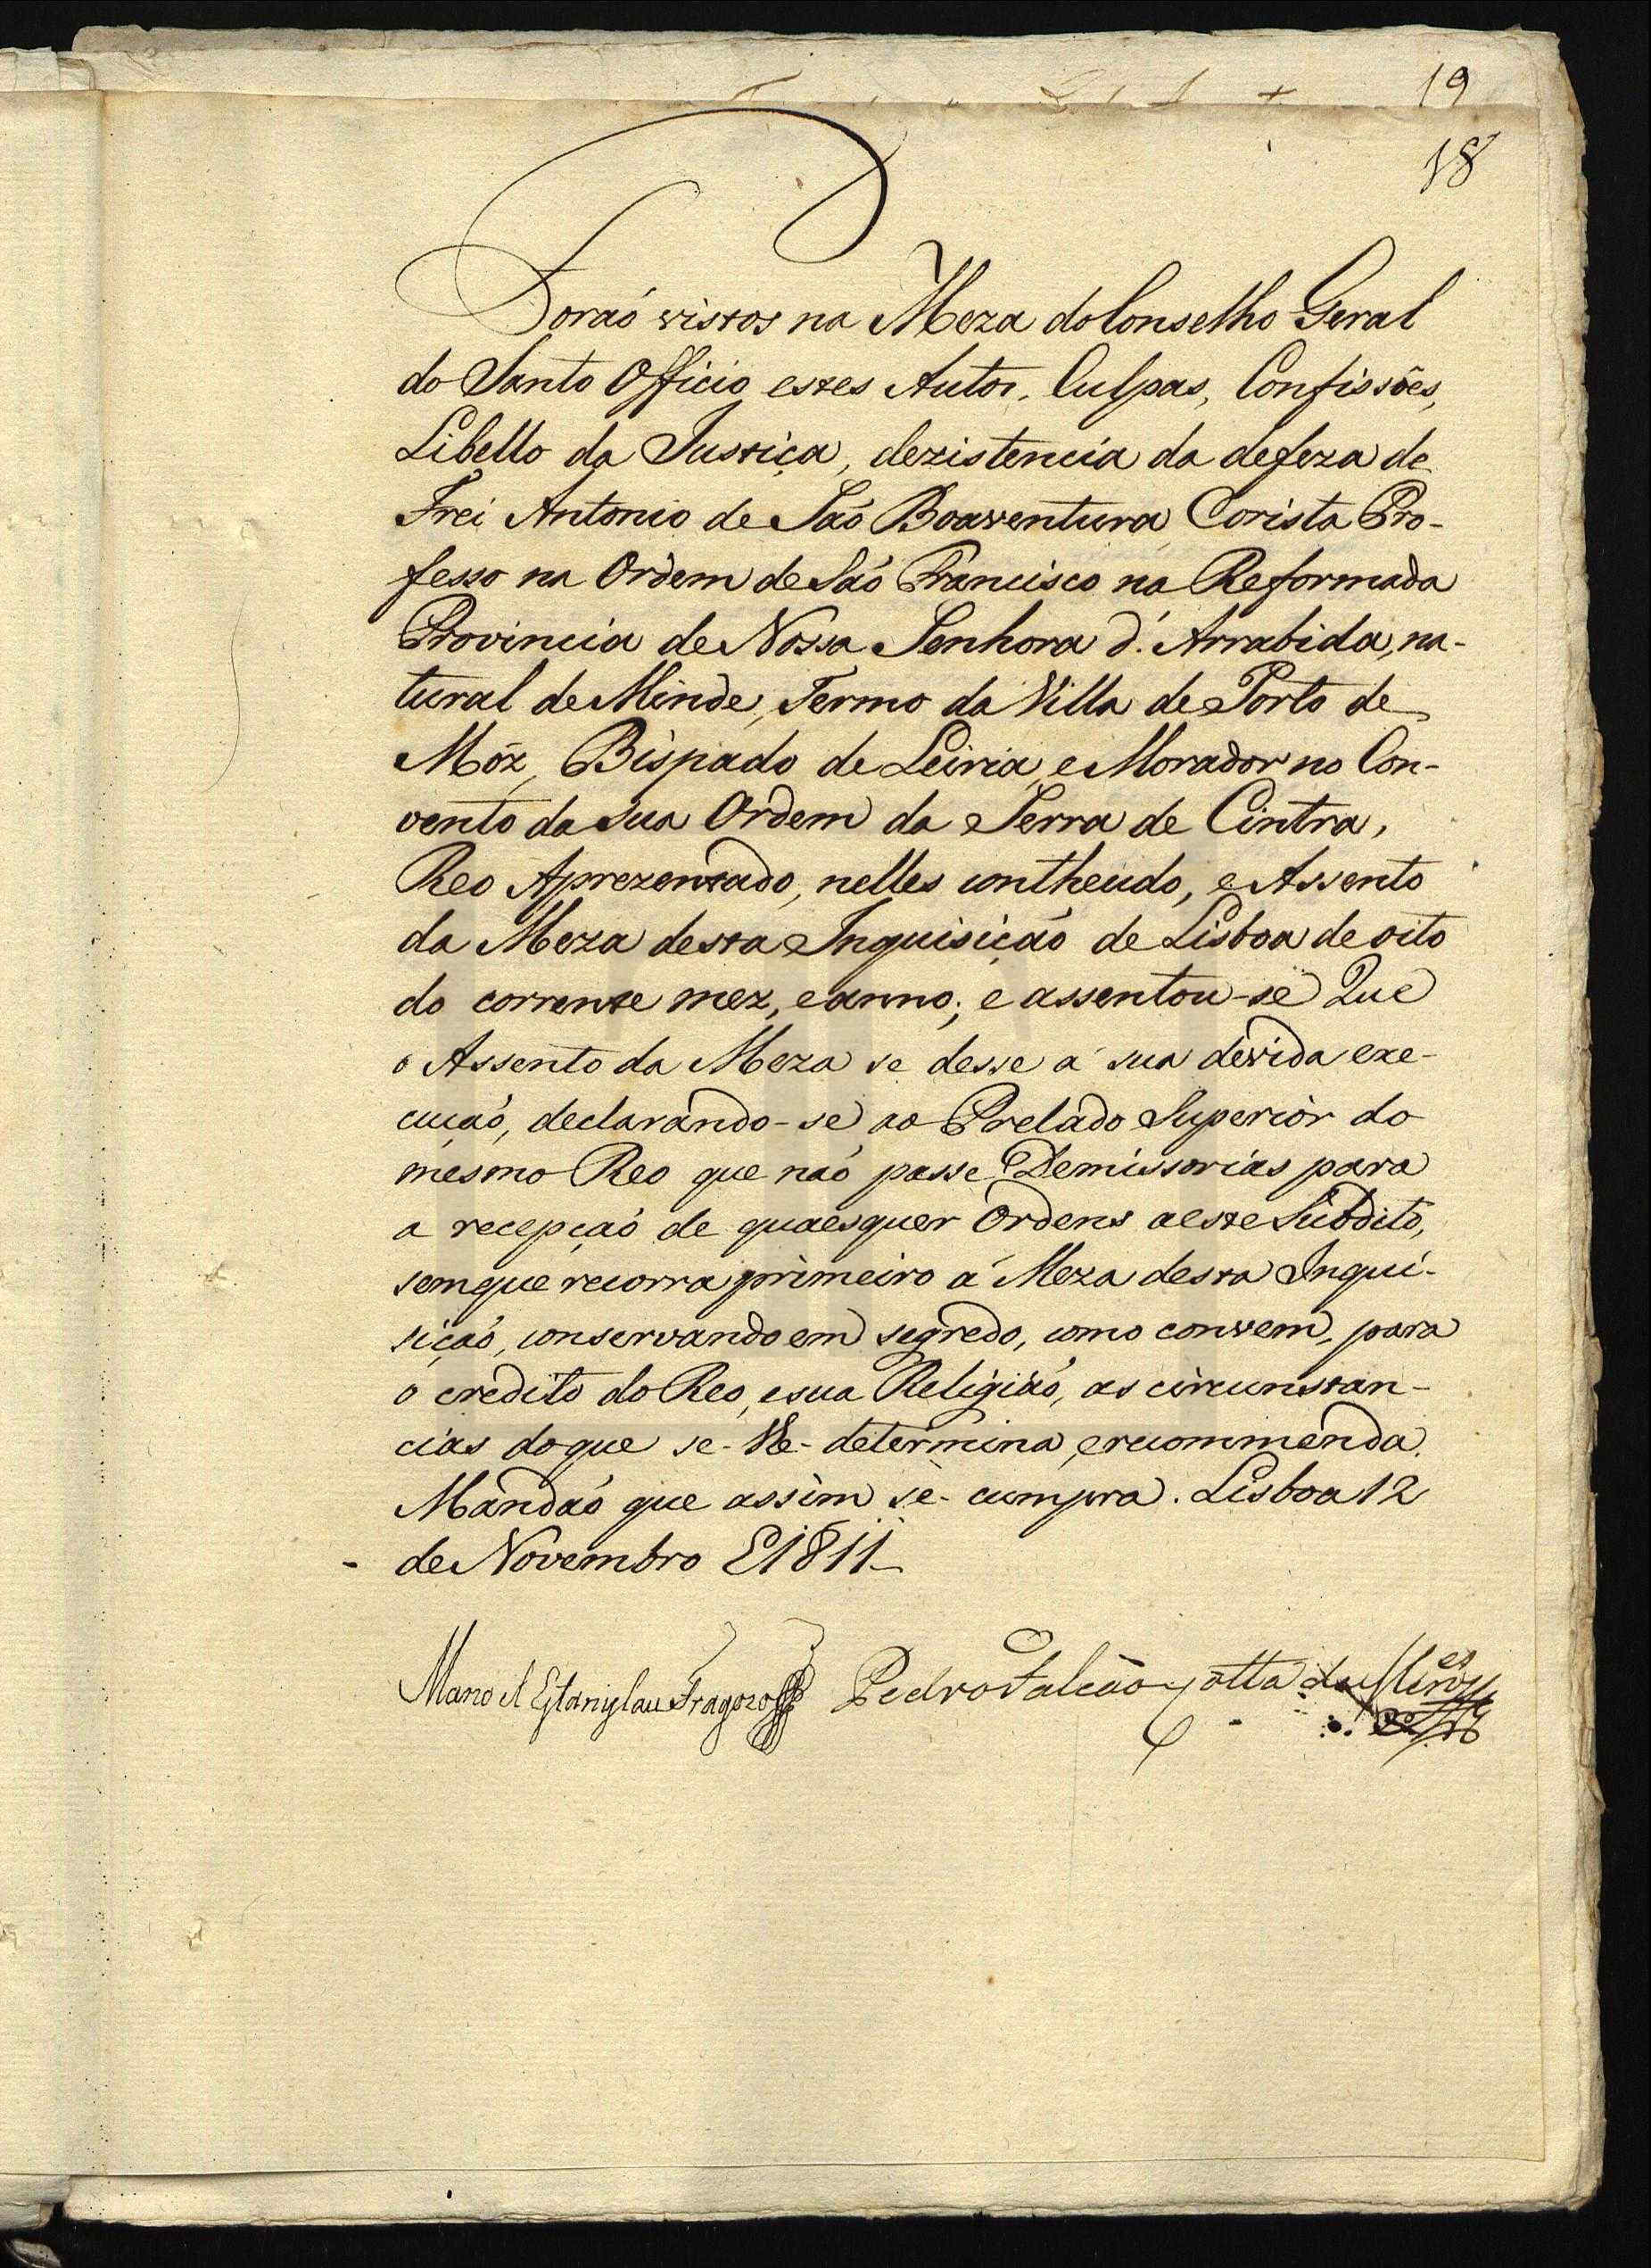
18
Foraõ vistos na Meza do Conselho Geral
do Santo Officio estes Autos, Culpas, Confissões,
Libello da Iustiça, dezistencia da defeza de
Frei Antonio de Saõ Boaventura, Corista Pro
fesso na Ordem de Saõ Francisco na Reformada
Provincia de Nossa Senhora d'Arrabida, na
tural de Minde, Termo da Villa de Porto de
Móz, Bispado de Leiria, e Morador no Con
vento da sua Ordem da Serra de Cintra,
Reo Aprezentado, nelles contheudo, e Assento
da Meza desta Inquisiçaõ de Lisboa de oito
do corrente mez, e anno; e assentou-se Que
o Assento da Meza se desse a sua devida exe
cuçaõ, declarando-se ao Prelado Superior do
mesmo Reo que naõ passe Demissorias para
a recepçaõ de quaesquer ordens a este Subdito,
sem que recorra primeiro á Meza desta Inqui
siçaõ, conservando em segredo, como convem, para
o credito do Reo, e sua Religiaõ, as circunstan
cias do que se-lhe determina, e recommenda.
Mandaõ que assim se cumpra. Lisboa 12
de Novembro d̄ i8ii-
Manoel Estanislau Fragozo Pedro Falcaõ Cotta de Menz.es
